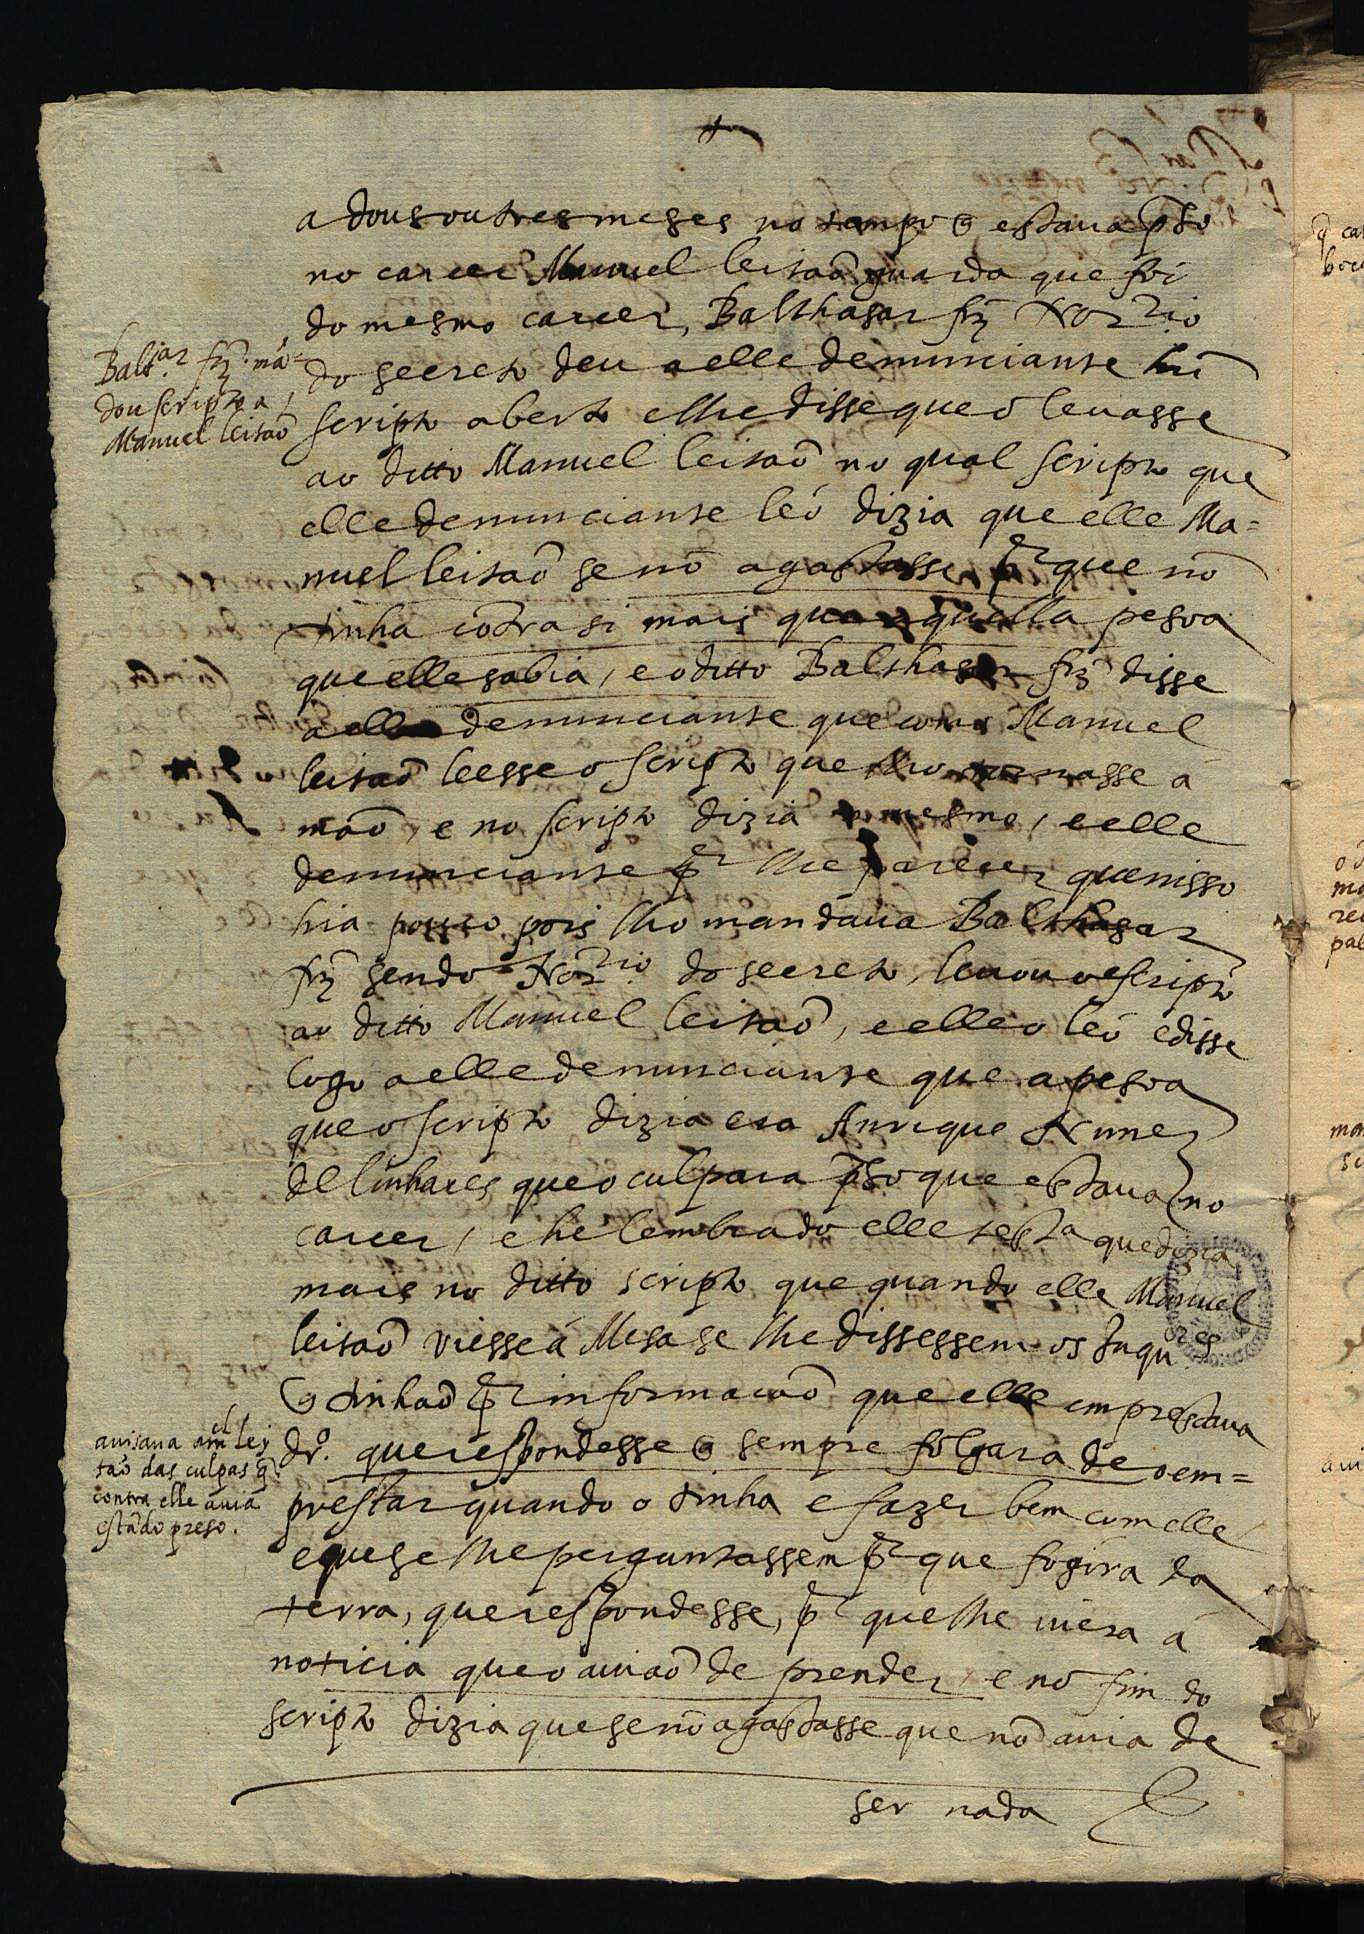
a dous ou tres meses no tempo q̄ estaua p̄so
no carcer Manuel leitaõ guarda que foi
do mesmo carcer, Balthasar frz̄ Notrio
Balt.ar frz̄ mā
dou scripto a
Manuel leitaõ
do secreto deu a elle denunciante hū
scripto aberto e lhe disse que o leuasse
ao ditto Manuel leitaõ no qual scripto que
elle denunciante leo dizia que elle Ma
nuel leitaõ se nō agastasse porque nō
tinha cōtra si mais que aquella pesoa
que elle sabia / e o ditto Balthasar frz̅ disse
a ell_ denunciante que como Manuel
leitaõ leesse o scripto que lho tornasse a
mão, e no scripto dizia o mesmo / e elle
denunciante por lhe parecer que nisso
hia pouco pois lho mandaua Balthasar
frz̄ sendo Notro. do secreto, leuou o escripto
ao ditto Manuel leitaõ, e elle o leo e disse
logo a elle denunciante que a pesoa
que o scripto dizia era Anrique Nunez
de linhares que o culpara p̄lo que estaua no
carcer / e he lembrado elle testa que dizia
mais no ditto scripto que quando elle Manuel
leitaõ viesse á Mesa se lhe dissessem os Inquores
q̄ tinhaõ por informaçaõ que elle emprestaua
auisaua a mel Ley
taõ das culpas q̄
contra elle auia
estādo preso.
dr.o que respondesse q̄ sempre folgara de o em
prestar quando o tinha e fazer bem com elle
e que se lhe perguntassem porque fogira da
terra, que respondesse, porque lhe uiera a
noticia que o auiaõ de prender, e no fim do
scripto dizia que se nō agastasse que nō auia de
ser nada
